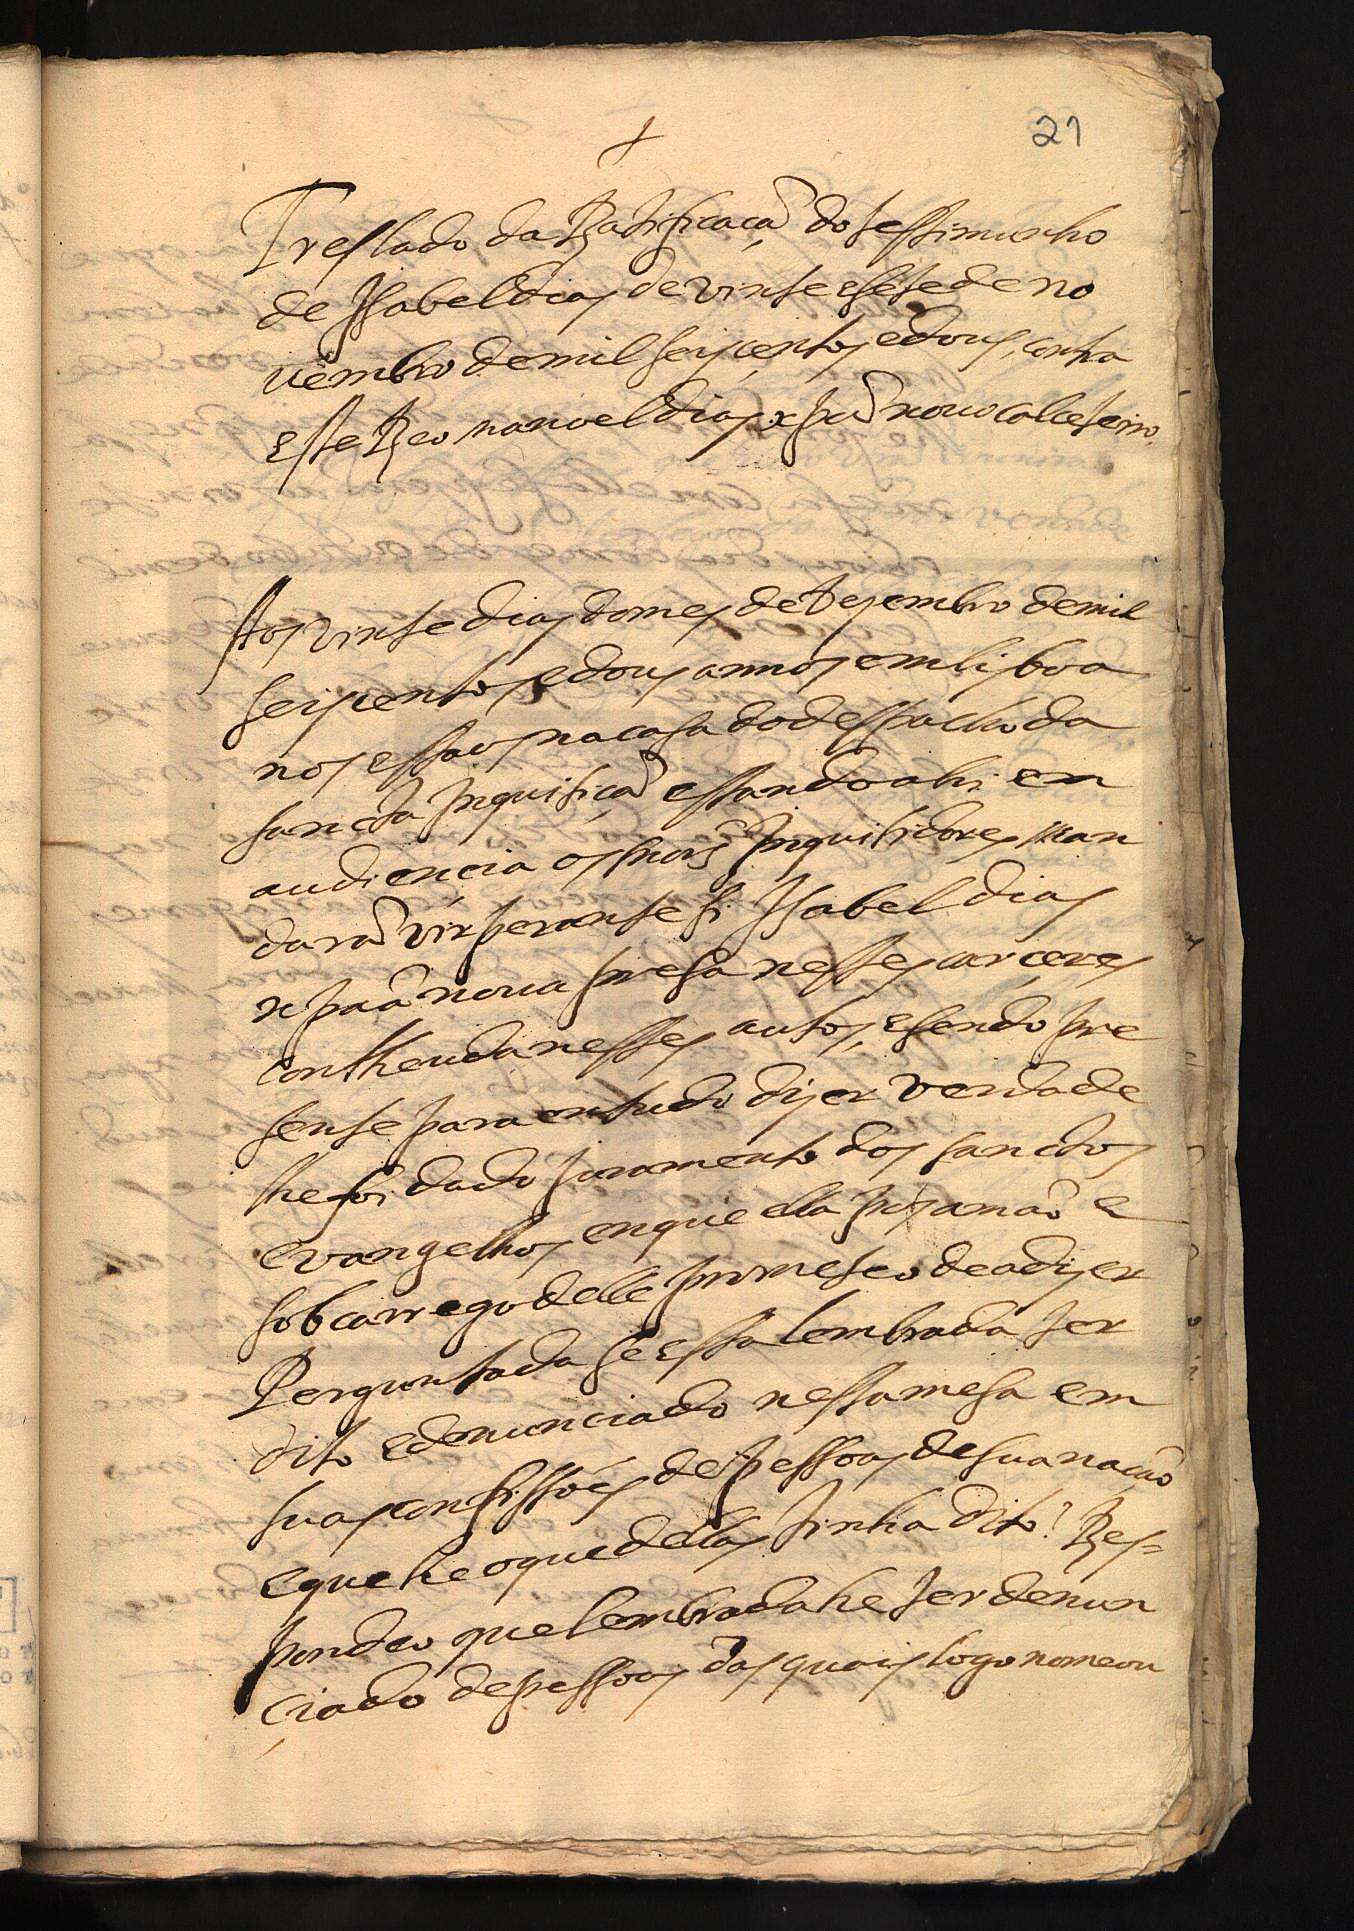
Treslado da Ratificação do testimunho
de Jsabel dias de vinte e sete de no
uembro de mil seisçentos e dous, contra
Este Reo manoel dias xpão nouo calceteiro
Aos vinte dias do mes de Dezembro de mil
seiscentos e dous annos em lisboa
nos Estaos na casa do despacho da
sancta Jnquisição estando ahi em
audiençia os snors̄ Jnquisidores man
daraõ vir perante si Jsabel dias
xpaā noua presa nestes carçeres
contheuda nestes autos, E sendo pre
sente para en tudo dizer verdade
lhe foi dado Juramento dos sanctos
evangelhos en que ella pos a maõ E
sob carrego delle prometeo de a dizer
Perguntada se Esta lembrada ter
dito E denunciado nesta mesa em
suas confissoẽs de pessoas de sua naçaõ
e que he o que dellas tinha dito? Res
pondeo que lembrada he ter denun
çiado de pessoas das quais logo nomeou
